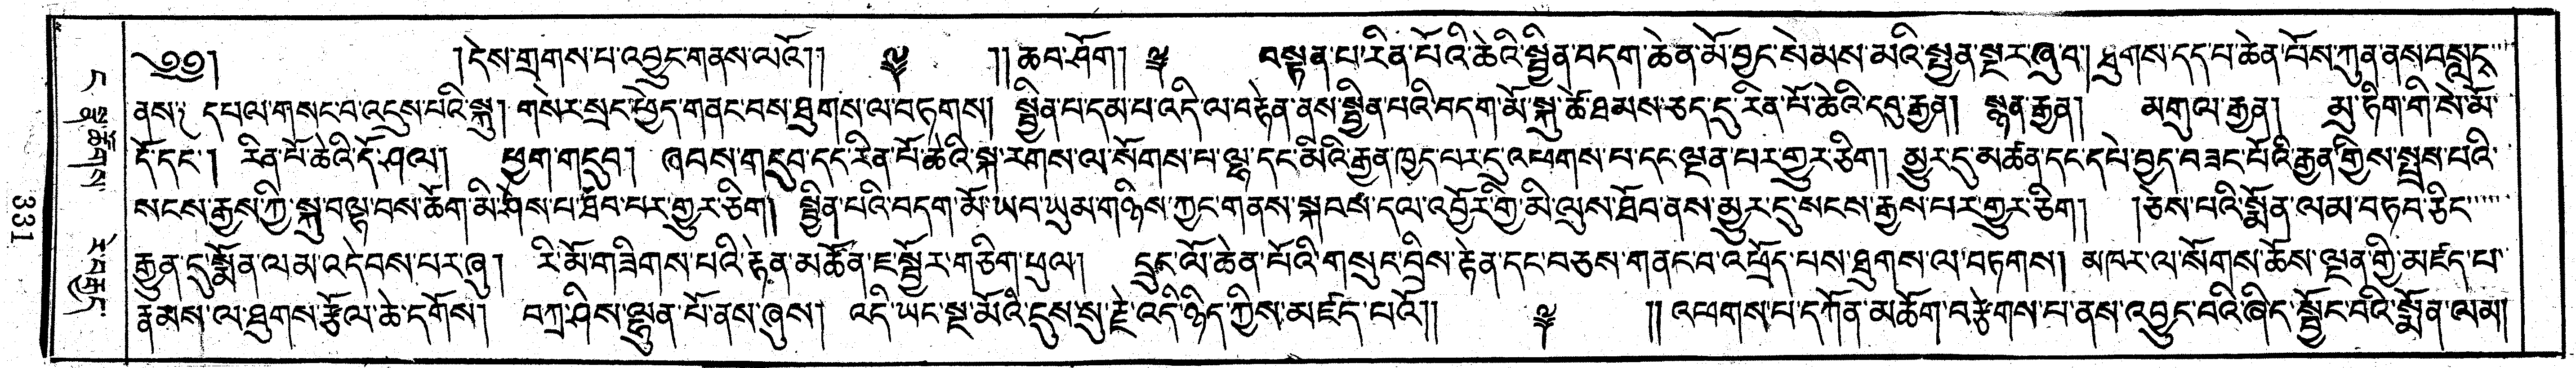༄༅། །དེས་གྲགས་པ་འབྱུང་གནས་ལའོ།། ༈ །།ཆབ་ཤོག། ༈ བསྟན་པ་རིན་པོའི་ཆེའི་སྦྱིན་བདག་ཆེན་མོ་བྱང་སེམས་མའི་སྤྱན་སྔར་ཞུ་བ། ཐུགས་དད་པ་ཆེན་པོ་ཀུན་ནས་བསླངས་
ནས༑ དཔལ་གསང་བ་འདུས་པའི་སྐུ། གསེར་སྲང་ཕྱེད་གནང་བས་ཐུགས་ལ་བཏགས། སྦྱིན་པ་དམ་པ་འདི་ལ་བརྟེན་ནས་སྦྱིན་པའི་བདག་མོ་སྐུ་ཚེ་ཐམས་ཅད་དུ་རིན་པོ་ཆེའི་དབུ་རྒྱན། སྙན་རྒྱན། མགུལ་རྒྱན། མུ་ཏིག་གི་སེ་མོ་
དོ་དང་། རིན་པོ་ཆེའི་དོ་ཤལ། ཕྱག་གདུབ། ཞབས་གདུབ་དང་རིན་པོ་ཆེའི་སྐ་རགས་ལ་སོགས་པ་ལྷ་དང་མིའི་རྒྱན་ཁྱད་པར་དུ་འཕགས་པ་དང་ལྡན་པར་གྱུར་ཅིག། མྱུར་དུ་མཚན་དང་དཔེ་བྱད་བཟང་པོའི་རྒྱན་གྱིས་སྤྲས་པའི་
སངས་རྒྱས་ཀྱི་སྐུ་བལྟ་བས་ཆོག་མི་ཤེས་པ་ཐོབ་པར་གྱུར་ཅིག། སྦྱིན་པའི་བདག་མོ་ཡབ་ཡུམ་གཉིས་ཀྱང་གནས་སྐབས་དལ་འབྱོར་གྱི་མི་ལུས་ཐོབ་ནས་མྱུར་དུ་སངས་རྒྱས་པར་གྱུར་ཅིག། །ཅེས་པའི་སྨོན་ལམ་བཏབ་ཅིང་
རྒྱུན་དུ་སྨོན་ལམ་འདེབས་པར་ཞུ། རི་མོ་གཟིགས་པའི་རྟེན་མཚོན་ཇ་སྦྱོར་གཅིག་ཕུལ། དྲུང་ལོ་ཆེན་པོའི་གསུང་བྲིས་རྟེན་དང་བཅས་གནང་བ་འཕྲོད་པས་ཐུགས་ལ་བཏགས། མཁར་ལ་སོགས་ཆོས་ལྡན་གྱི་མཛད་པ་
རྣམས་ལ་ཐུགས་རྩོལ་ཆེ་དགོས། བཀྲ་ཤིས་ལྷུན་པོ་ནས་ཞུས། འདི་ཡང་སྔ་མོའི་དུས་སུ་རྗེ་འདི་ཉིད་ཀྱིས་མཛད་པའོ།། ༈ །།འཕགས་པ་དཀོན་མཆོག་བརྩེགས་པ་ནས་འབྱུང་བའི་ཞིང་སྦྱོང་བའི་སྨོན་ལམ་